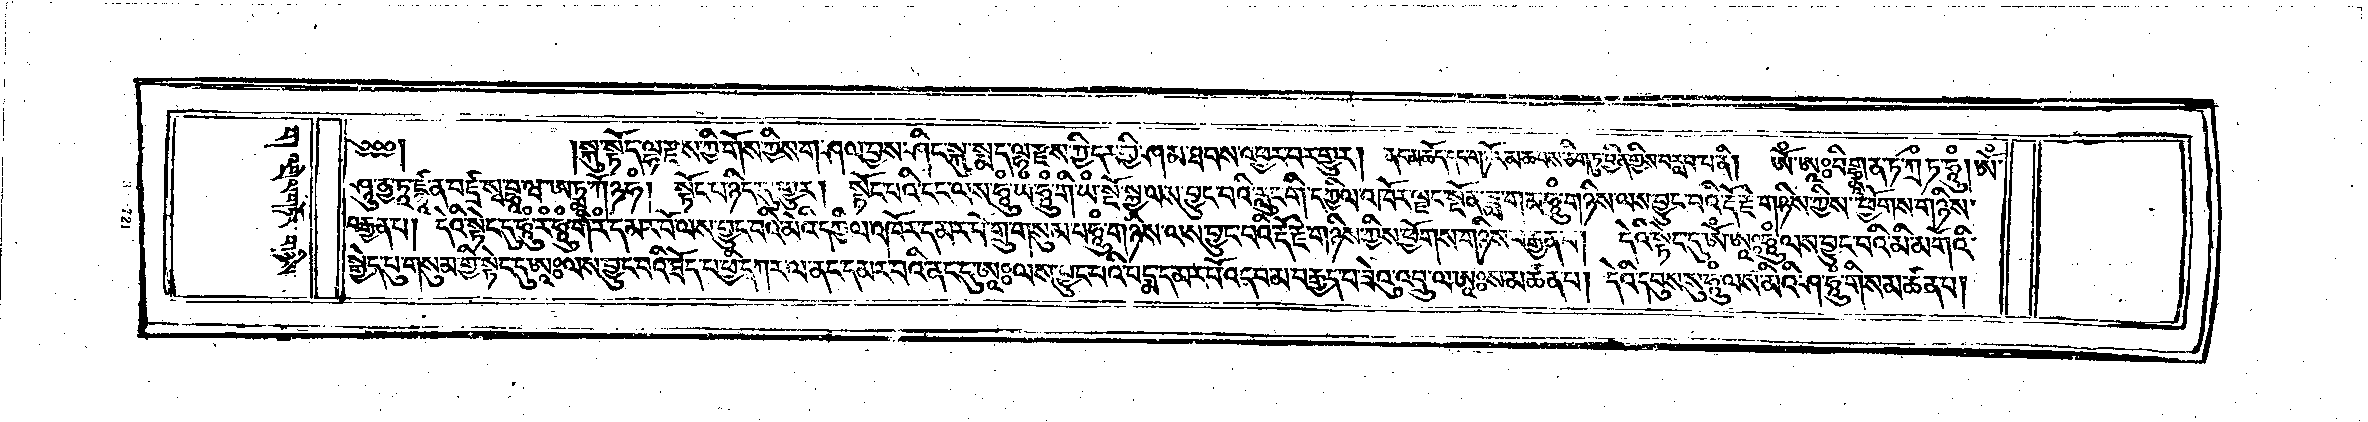༄༅༅། །སྐུ་སྟོད་ལྷ་རྫས་ཀྱི་གོས་ཀྱིས་གཤལ་བྱས་ཤིང་སྐུ་སྨད་ལྷ་རྫས་ཀྱི་དར་གྱི་ཤམ་ཐབས་འཕྱར་བར་གྱུར། ནང་མཆོད་དང་གཏོར་མ་ཆབས་ཅིག་ཏུ་བྱིན་གྱིས་བརླབ་པ་ནི།  ཨོཾ་ཨཱཿབིགྷྣཱ་ན་ཏ་ཀྲྀ་ཏ་ཧཱུཾ། ཨོཾ་
ཤཱུ་ནྱ་ཏཱ་ཛྙཱ་ན་བཛྲ་སྭ་བྷཱ་ཝ་ཨཏྨ་ཀོ་ཉ་ཧཾ། སྟོང་པ་ཉིད་དུ་གྱུར། སྟོང་པའི་ངང་ལས་ཧཱུཾ་ཡཾ་ཧཱུཾ་གི་ཡཾ་སྔོ་སྐྱ་ལས་བྱུང་བའི་རླུང་གི་དཀྱིལ་འཁོར་ལྗང་སྔོན་ཟླ་གམ་ཧཱུཾ་གཉིས་ལས་བྱུང་བའི་རྡོ་རྗེ་གཉིས་ཀྱིས་ཕྱོགས་གཉིས་
བརྒྱན་པ། དེའི་སྟེང་དུ་ཧཱུཾ་རཾ་ཧཱུཾ་གི་རཾ་དམར་པོ་ལས་བྱུང་བའི་མེའི་དཀྱིལ་འཁོར་དམར་པོ་གྲུ་གསུམ་པ་ཧཱུཾ་གཉིས་ལས་བྱུང་བའི་རྡོ་རྗེ་གཉིས་ཀྱིས་ཕྱོགས་གཉིས་བརྒྱན་པ། དེའི་སྟེང་དུ་ཨོཾ་ཨཱཿཧཱུཾ་ལས་བྱུང་བའི་མི་མགོའི་
སྒྱེད་པུ་གསུམ་གྱི་སྟེང་དུ་ཨཱཿ ལས་བྱུང་བའི་ཐོད་པ་ཕྱི་དཀར་ལ་ནང་དམར་བའི་ནང་དུ་ཨཱཿ ལས་བྱུང་བའི་པདམ་དམར་པོ་འདབ་མ་བརྒྱད་བ་ཟེའུ་འབྲུ་ལ་ཨཱཿས་མཚན་པ། དེའི་དབུས་སུ་ཧཱུཾ་ལས་མིའི་ཤ་ཧཱུཾ་གིས་མཚན་པ།